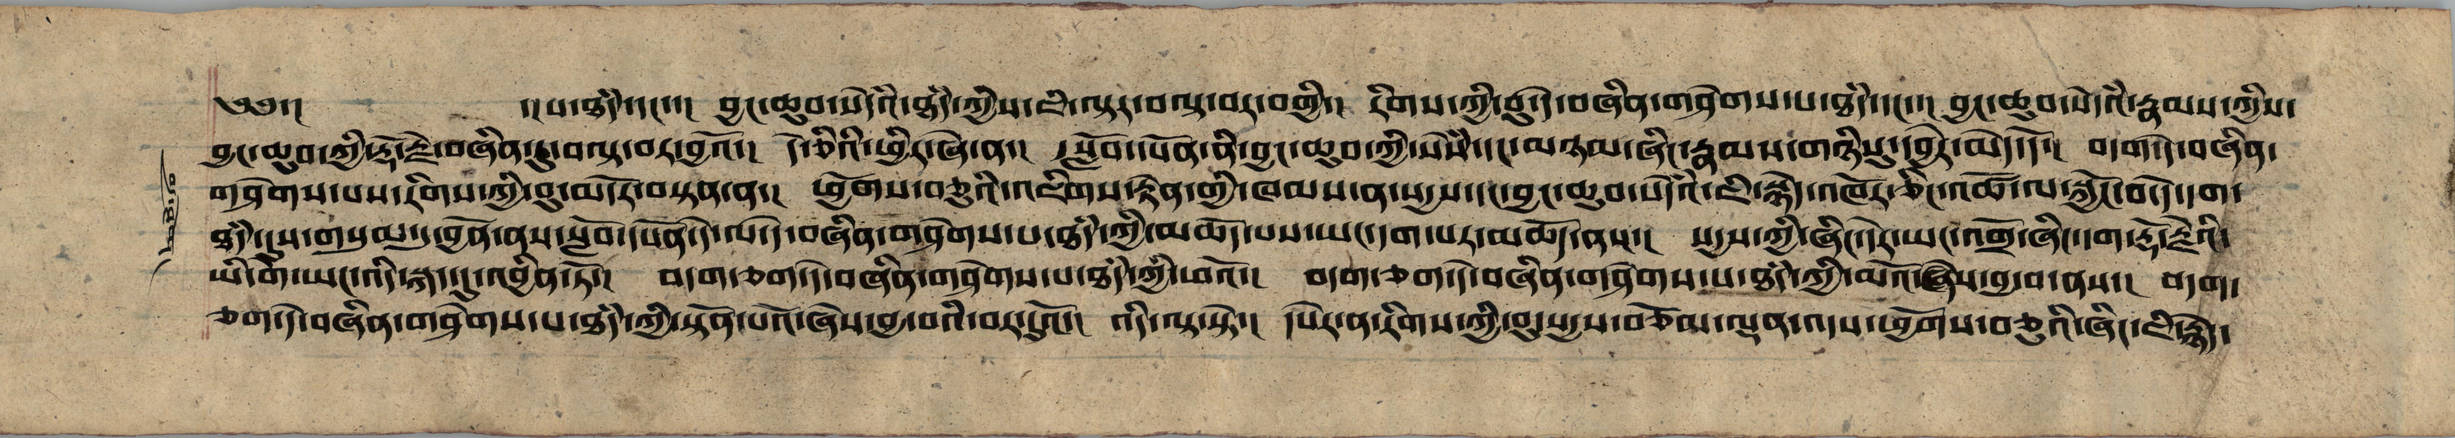༄༅་། ་།པ་ཐདཾ་དང་་། བྱང་ཆུབ་སེདཾའ་ཐདཾ་ཀྱིས་ཇི་ལྟར་བལྟ་བར་བགྱི་། རིགས་ཀྱི་བུ་དེ་བཞིན་གཤེགས་པ་ཐདཾ་དང་་། བྱང་ཆུབ་སེདཾའ་རྣམས་ཀྱིས་
བྱང་ཆུབ་ཀྱི་རྡོ་རྗེ་བཞིན་ཏུ་བལྟ་བར་བྱའོ་། དེ་ཅིའི་ཕྱིར་ཞེ་ན་། ་སློབ་དཔོན་ནི་བྱང་ཆུབ་ཀྱི་སེཾས་དང་མཉམ་ཞིང་རྣམས་གཉིསུ་དབྱེར་མེད་དོ་། བདག་དེ་བཞིན་
གཤེགས་པས་རིགས་ཀྱི་བུ་མདོར་བསྟན་ན་། ཕྱོགས་བཅུའི་འཇིགས་རྟེན་གྱི་ཁམས་ན་སདྱས་དང་བྱང་ཆུབ་སེདཾའ་ཇི་སྙེད་འཁོར་ཅིང་འཚོ་ལ་སྐྱོང་བ་དེ་དག་
ཐདཾ་དུས་གསུམ་དུ་བྱོན་ནས་སློབ་དཔོན་དེ་ལ་དེ་བཞིན་གཤེགས་པ་ཐདཾ་ཀྱི་མཆོད་པས་ཡང་དག་པར་མཆོད་ནས་། སདྱས་ཀྱི་ཞིང་དེར་ཡང་འགྲོ་ཞིང་དག་རྡོ་རྗེའི་
ཡི་གེ་ཡང་འདི་སྐད་དུ་འབྱིན་ཏོ་། བདག་ཅག་དེ་བཞིན་གཤེགས་པ་ཐཾད་ཀྱི་ཕའོ་། བདག་ཅག་དེ་བཞིན་གཤེགས་པ་ཐཾད་ཀྱི་མའོ་ཞེས་བྱ་བ་ནས་། བདག་
ཅག་དེ་བཞིན་གཤེགས་པ་ཐཾད་ཀྱི་སྟོན་པའོ་ཞེས་བྱ་བའི་བར་དུའོ་། འདི་ལྟ་སྟེ་། དཔེར་ན་རིགས་ཀྱི་བུ་སདྱས་བཅོམ་ལྡན་འདས་ཕྱོགས་བཅུའི་ཞིང་ཇི་རྙེད་